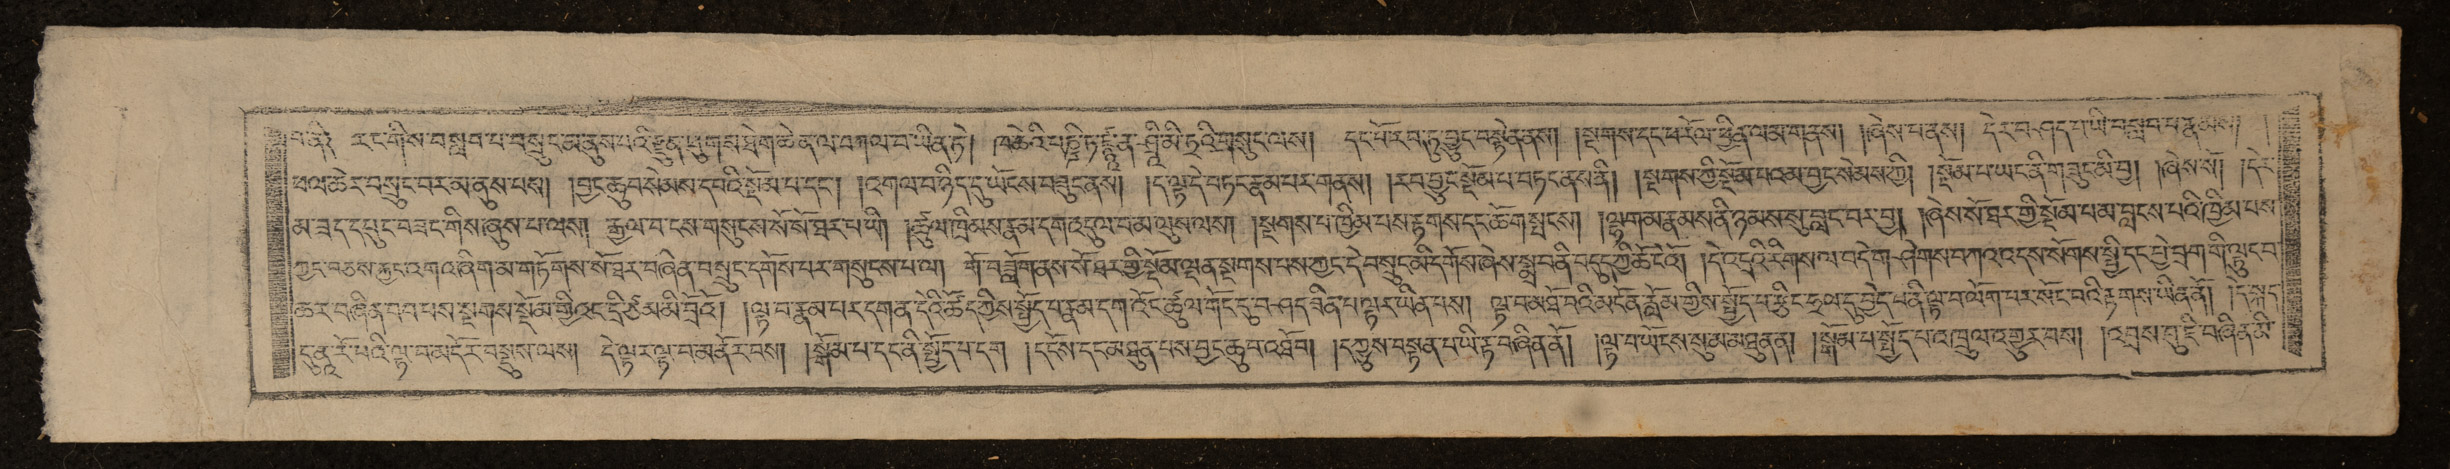པ་ནི། རང་གིས་བསླབ་བ་བསྲུང་མ་ནུས་པའི་རྫུན་ཕུགས་ཐེག་ཆེན་ལ་བཀལ་བ་ཉིད་དུ་ཡོངས་བཟུང་ནས། །དེ་ལྟ་དེ་བཏང་རྣམ་པར་གནས། །རབ་བྱུང་སྡོམ་པ་བཏང་ནས་ནི། །སྔགས་ཀྱི་སྡོམ་པའམ་བྱང་སེམས་ཀྱི། །སྡོམ་པ་ཡང་ནི་གཟུང་མི་བྱ། །ཞེས་སོ། །དེར་
ཕལ་ཆེར་བསྲུང་བར་མ་ནུས་པས། །བྱང་ཆུབ་སེམས་དཔའི་སྡོམ་པ་དང་། །འགལ་བ་ཉིད་དུ་ཡོངས་བཟུང་ནས། །དེ་ལྟ་དེ་བཏང་རྣམ་པར་གནས། །རབ་བྱུང་སྡོམ་པ་བཏང་ནས་ནི། །སྔགས་ཀྱི་སྡོམ་པའམ་བྱང་སེམས་ཀྱི། །སྡོམ་པ་ཡང་ནི་གཟུང་མི་བྱ། །ཞེས་སོ། །དེར་
མྯད་དཔུང་བཟང་གིས་ཞུས་བ་ལས། རྒྱལ་བ་ངས་གསུངས་སོ་སོ་ཐར་བ་ཡི། །ཚུལ་ཁྲིམས་རྣམ་དག་འདུལ་བ་མ་ལུས་ལས། །སྔགས་བ་ཁྱིམ་བས་རྟགས་དང་ཆོ་ག་སྤངས། །ལྷག་མ་རྣམས་ནི་ཉམས་སུ་བླང་བར་བྱ། །ཞེས་སོ་ཐར་གྱི་སྡོམ་བམ་བླངས་པའི་ཁྱིམ་པས་
ཀྱང་བཅས་ཀྱང་འགའ་ཞིག་མ་གཏེགས་སོ་ཐར་བཞིན་བསྡུད་དགོས་པར་གསུངས་པ་ལ། གོ་བཟློག་ནས་སོ་ཐར་གྱི་སྡོམ་ལྡན་སྔགས་བས་ཀྱང་དེ་བསྲུང་མི་དགོས་ཞེས་སྨྲ་པ་ནི་བདུད་ཀྱི་ཆོ་ངེའོ། །དེ་འདྲའི་རིགས་ལ་བདེ་གཤེགས་བཀའ་འདས་སོགས་སྤྱི་དང་བྱེ་བྲག་གི་ལྟུང་བ་
ཆར་བཞིན་བབ་པས་སྔགས་སྡོམ་གྱིའང་དྲི་ཙམ་མི་ཁྲོའོ། །ལྟ་བ་རྣམ་པར་དག་ན་དེའི་ཚོད་ཀྱིས་སྤྱོད་བ་རྣམ་དག་འོང་ཚུལ་གོང་དུ་བཤད་ཟིན་པ་ལྟར་ཡིན་པས། ལྟ་བ་མཐོ་བའི་མངོན་རློམ་གྱིས་སྤྱོད་པ་རྩིང་ཧྲལ་དུ་བྱེད་བ་ནི་ལྟ་བ་ལོག་པར་སོང་བའི་རྟགས་ཡིན་ནོ། །དེ་སྒྲ་
དུ་ནཱ་རོ་པའི་ལྟ་བ་མདོར་བསྡུས་ལས། དེ་ལྟར་ལྟ་བ་མནོར་བས། །སྒོམ་བ་དང་ནི་སྤྱོད་བ་དག །དངོས་དང་མཐུན་པས་བྱང་ཆུབ་འཐོག །དཀྱུས་བསྟན་པ་ཡི་རྟ་བཞིན་ནོ། །ལྟ་བ་ཡོངས་སུམ་མཐུན་ན། །སྒོམ་པ་སྤྱོད་བ་འཁྲུལ་འགྱུར་བས། །འབྲས་བུ་ཇི་བཞིན་མི་